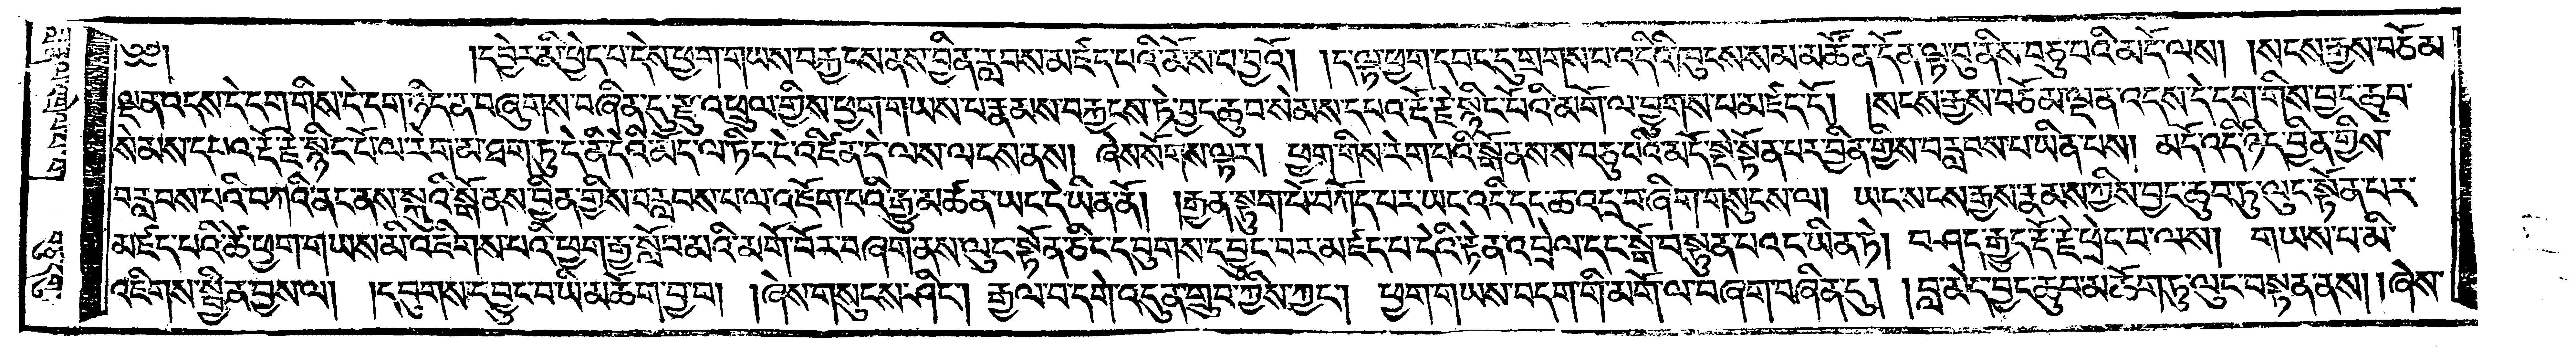༄༅། །དབྱེར་མི་ཕྱེད་པ་དེས་ཕྱག་གཡས་བརྐྱངས་ནས་བྱིན་རླབས་མཛད་པའི་མོས་བ་བྱའོ། །ད་ལྟ་ཕྱག་དབང་དུ་གྲགས་པ་འདིའི་ཁུངས་སམ་མཚོན་དོན་ལྟ་བུ་ནིས་བཅུ་པའི་མདོ་ལས། །སངས་རྒྱས་བཅོམ་
ལྡན་འདས་དེ་དག་གིས་དེ་དག་ཉིད་ན་བཞུགས་བཞིན་དུ་རྫུ་འཕྲུལ་གྱིས་ཕྱག་གཡས་པ་རྣམས་བརྐྱངས་ཏེ་བྱང་ཆུབ་སེམས་དཔའ་རྡོ་རྗེ་སྙིང་པོའི་མགོ་ལ་བྱུགས་པ་མཛད་དོ། །སངས་རྒྱས་བཅོམ་ལྡན་འདས་དེ་དག་གིས་བྱང་ཆུབ་
སེམས་དཔའ་རྡོ་རྗེ་སྙིང་པོ་ལ་རེག་མ་ཐག་ཏུ་དེ་ནི་དེའི་མོད་ལ་ཏིང་ངེ་འཛིན་དེ་ལས་ལངས་ནས། ཞེས་སོགས་ལྟར། ཕྱག་གིས་རེག་པའི་སྒོ་ནས་ས་བཅུ་པའི་མདོ་སྡེ་སྟོན་པར་བྱིན་གྱིས་བརླབས་པ་ཡིན་པས། མདོ་འདི་ཉིད་བྱིན་གྱིས་
བརླབས་པའི་བཀའི་ནང་ནས་སྐུའི་སྒོ་ནས་བྱིན་གྱིས་བརླབས་པ་ལ་འཇོག་པའི་རྒྱུ་མཚན་ཡང་དེ་ཡིན་ནོ། །རྒྱན་སྟུག་པོ་བཀོད་པར་ཡང་འདི་དང་ཆ་འདྲ་བ་ཞིག་གསུངས་ལ། ཡང་སངས་རྒྱས་རྣམས་ཀྱིས་བྱང་ཆུབ་ཏུ་ལུང་སྟོན་པར་
མཛད་པའི་ཚེ་ཕྱག་གཡས་མི་འཇིགས་པའི་ཕྱག་རྒྱ་སློབ་མའི་མགོ་བོར་བཞག་ནས་ལུང་སྟོན་ཅིང་དབུགས་དབྱུང་བར་མཛད་པ་དེའི་རྟེན་འབྲེལ་དང་སྒོ་བསྟུན་པའང་ཡིན་ཏེ། བཤད་རྒྱུད་རྡོ་རྗེ་ཕྲེང་བ་ལས། གཡས་པ་མི་
འཇིགས་སྦྱིན་བྱས་ལ། །དབུགས་དབྱུང་བ་ཡི་མཆོག་བྱ་བ། །ཞེས་གསུངས་ཤིང་། རྒྱལ་བ་དགེ་འདུན་གྲུབ་ཀྱིས་ཀྱང་། ཕྱག་གཡས་བདག་གི་མགོ་ལ་བཞག་བཞིན་དུ། །བླ་མེད་བྱང་ཆུབ་མཆོག་ཏུ་ལུང་བསྟན་ནས། །ཞེས་